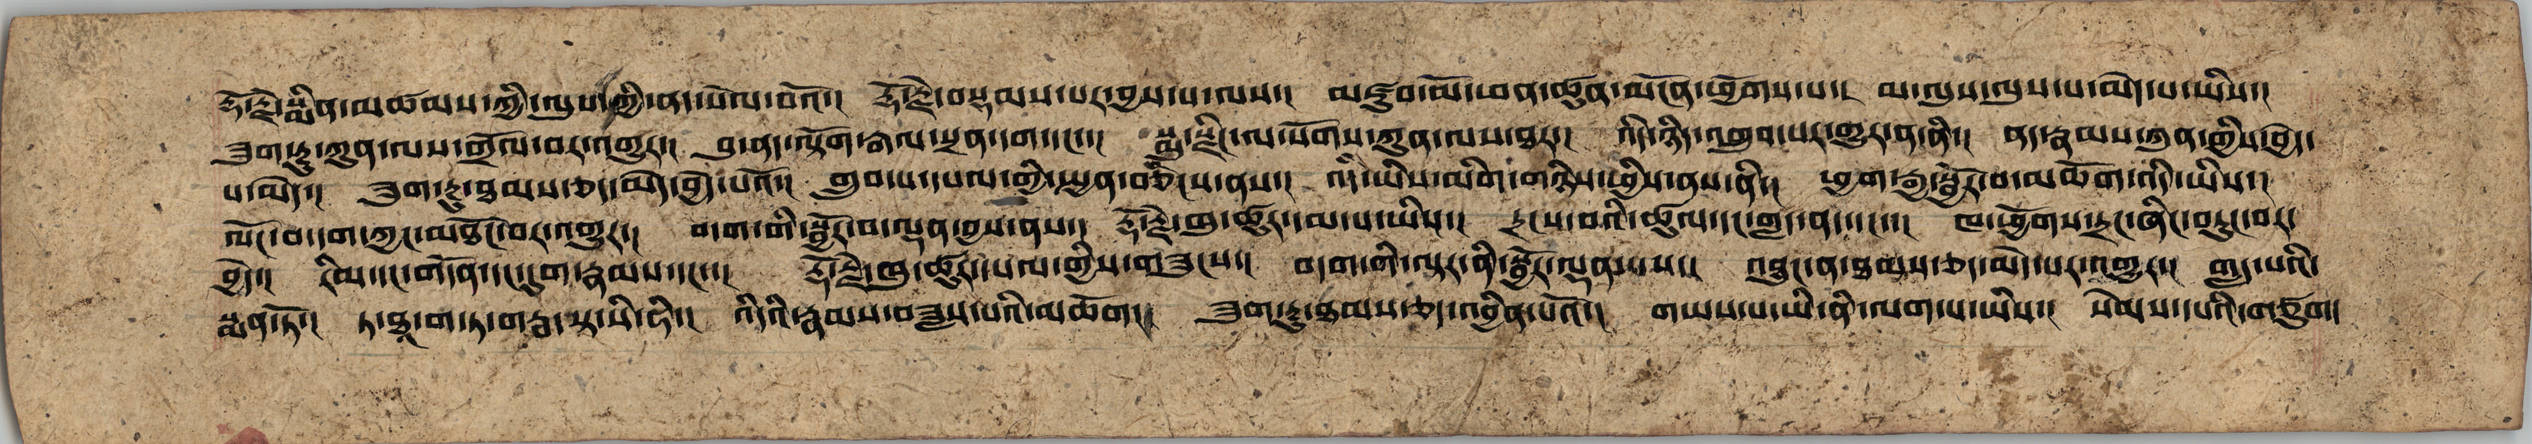རྡོ་རྗེ་སྨིན་མཚམས་ཀྱི་ལུས་ཀྱི་ནད་སེལ་བའོ་། རྡོ་རྗེ་བསྡམས་པར་བྱས་པ་ལས་། མཛུབ་མོ་ཕན་ཚུན་མངོན་ཕྱོགས་པ་། མ་ལུས་ལུས་པ་མེད་པ་ཡིས་།
ཟུག་རྔུ་ཀུན་ལས་གྲོལ་བར་འགྱུར་། བུ་ནད་ལྟོག་རྒལ་སྲན་དག་དང་་། སྨུ་སྫིང་ལ་སོགས་ཀུན་ལས་ཐར་། འདི་ཉིད་འགྲུབ་པར་གྱུར་ན་ནི་། ནད་རྣམས་ཀུན་གྱིས་བྱེད་
པ་མེད་། ཟུག་རྔུ་ཐམས་ཅད་མེད་བྱེད་པའོ་། གྲུབ་པ་དཔལ་གྱི་སྤྱན་བཅིངས་ནས་། འདི་ཡིས་མིག་གཉིས་ཕྱིས་ནས་ནི་། ཕྱག་རྒྱ་སྦྱོར་བ་མཆོག་འདི་ཡིས་།
ལོང་བ་དག་ཀྱང་མཐོང་བར་འགྱུར་། བདག་གི་སྦྱོར་བ་ལྡན་བྱས་ནས་། རྡོ་རྗེ་ཁུ་ཚུར་དམ་པ་ཡིས་། དྲངས་བའི་ཚུལ་དང་གླད་ནད་དང་་། ཁ་ཕྱོགས་དྲང་ཞིང་བཏུང་བར་
བྱེད་། རིམ་དང་གདོན་དང་དུག་རྣམས་དང་་། རྡོ་རྗེ་ཁུ་ཚུར་དཔལ་གྱིས་གཟུངས་། བདག་གི་ལྟར་ནི་སྦྱོར་ལྡན་པས་། འབྱུང་ན་ཐམས་ཅད་མེད་པར་འགྱུར་། གླད་པའི་
སྨན་ཏོ་། ཏ་ཐཱ་ག་ཏ་གརྦ་སྟ་སི་ཧི་། འདིའི་རྣམས་བཟླས་པའི་མཆོག། ཟུག་རྔུ་ཐམས་ཅད་འབྱིན་པའོ་། གཡས་པ་ཡི་ནི་ལག་པ་ཡིས་། སེམས་པའི་གཙུག་